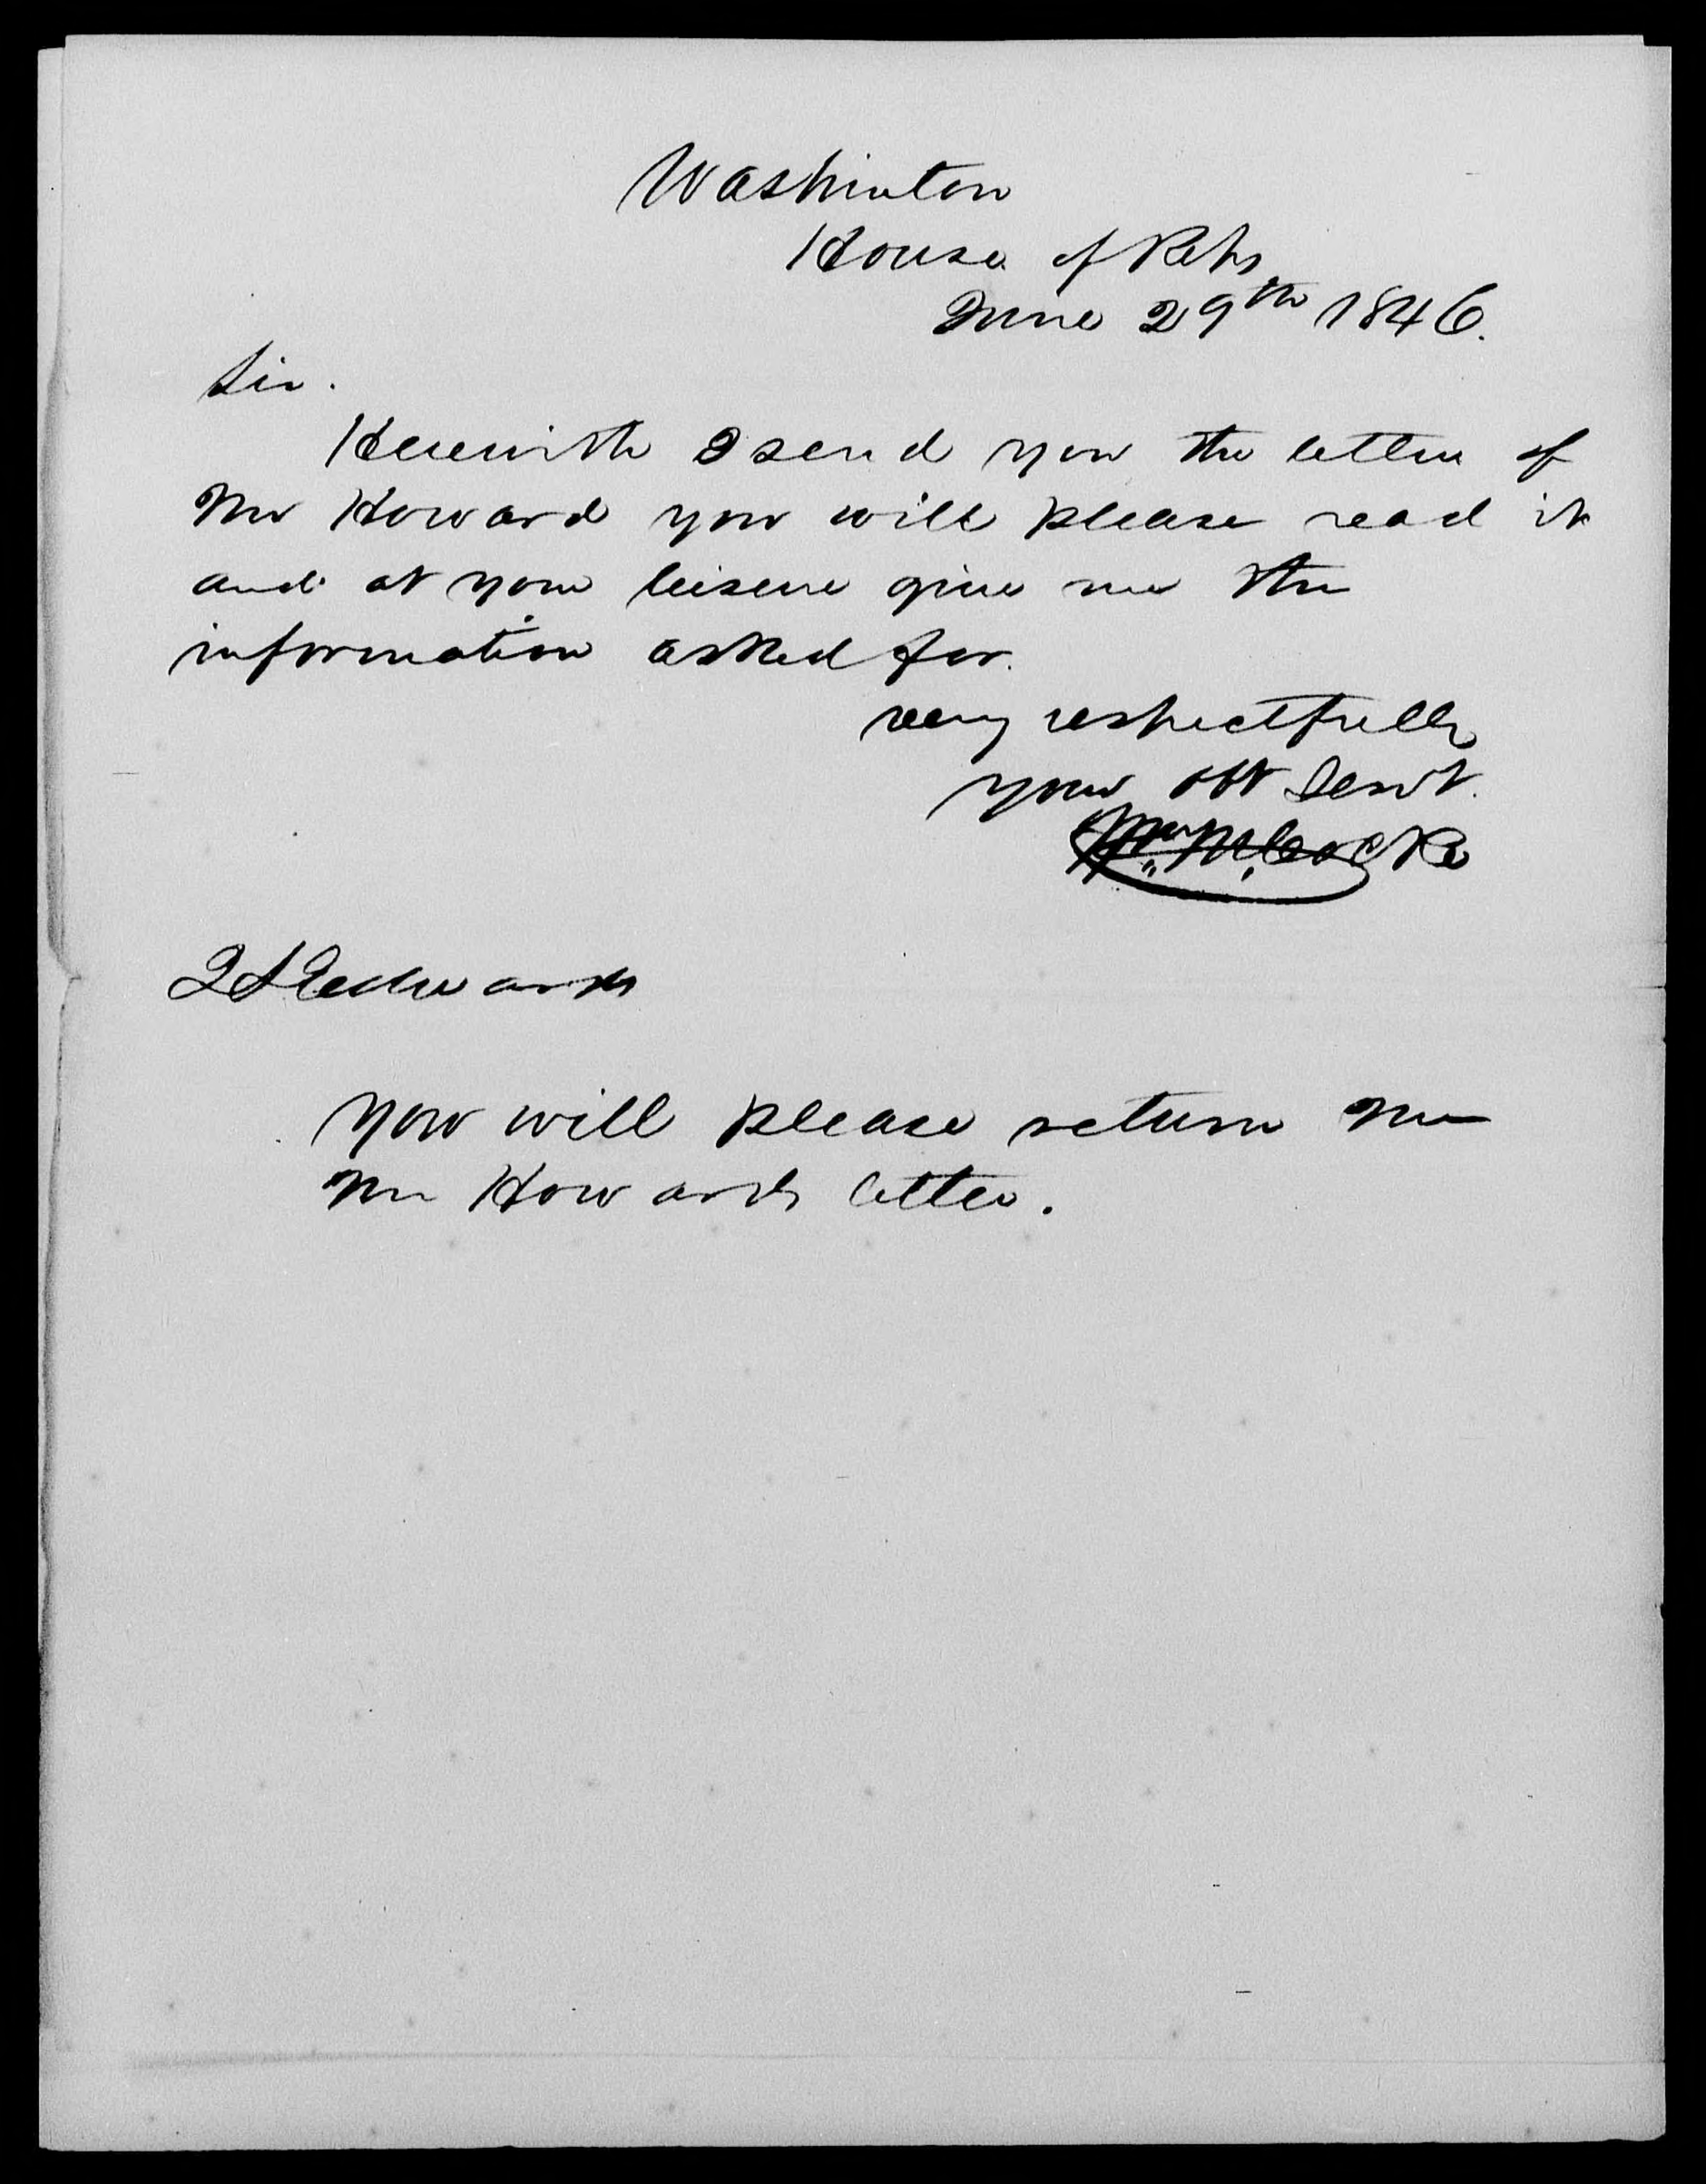Washinten [or Washinton]
House of Reps 
June 29th 1846.

Sir.
Herewith I send you the letter of Mr Howard you will please read it and at your leisure give me the information asked fer [or for.]  very respectfully  Your obt Servt. W. M. Cocke

I L [or J L or J S] Edwards

You will please return me Mr Howards letter.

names: J L Edwards, Howard, Wm M Cocke, Howard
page: 29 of 50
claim: widow's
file: W. 898, William Bugg, N.C.